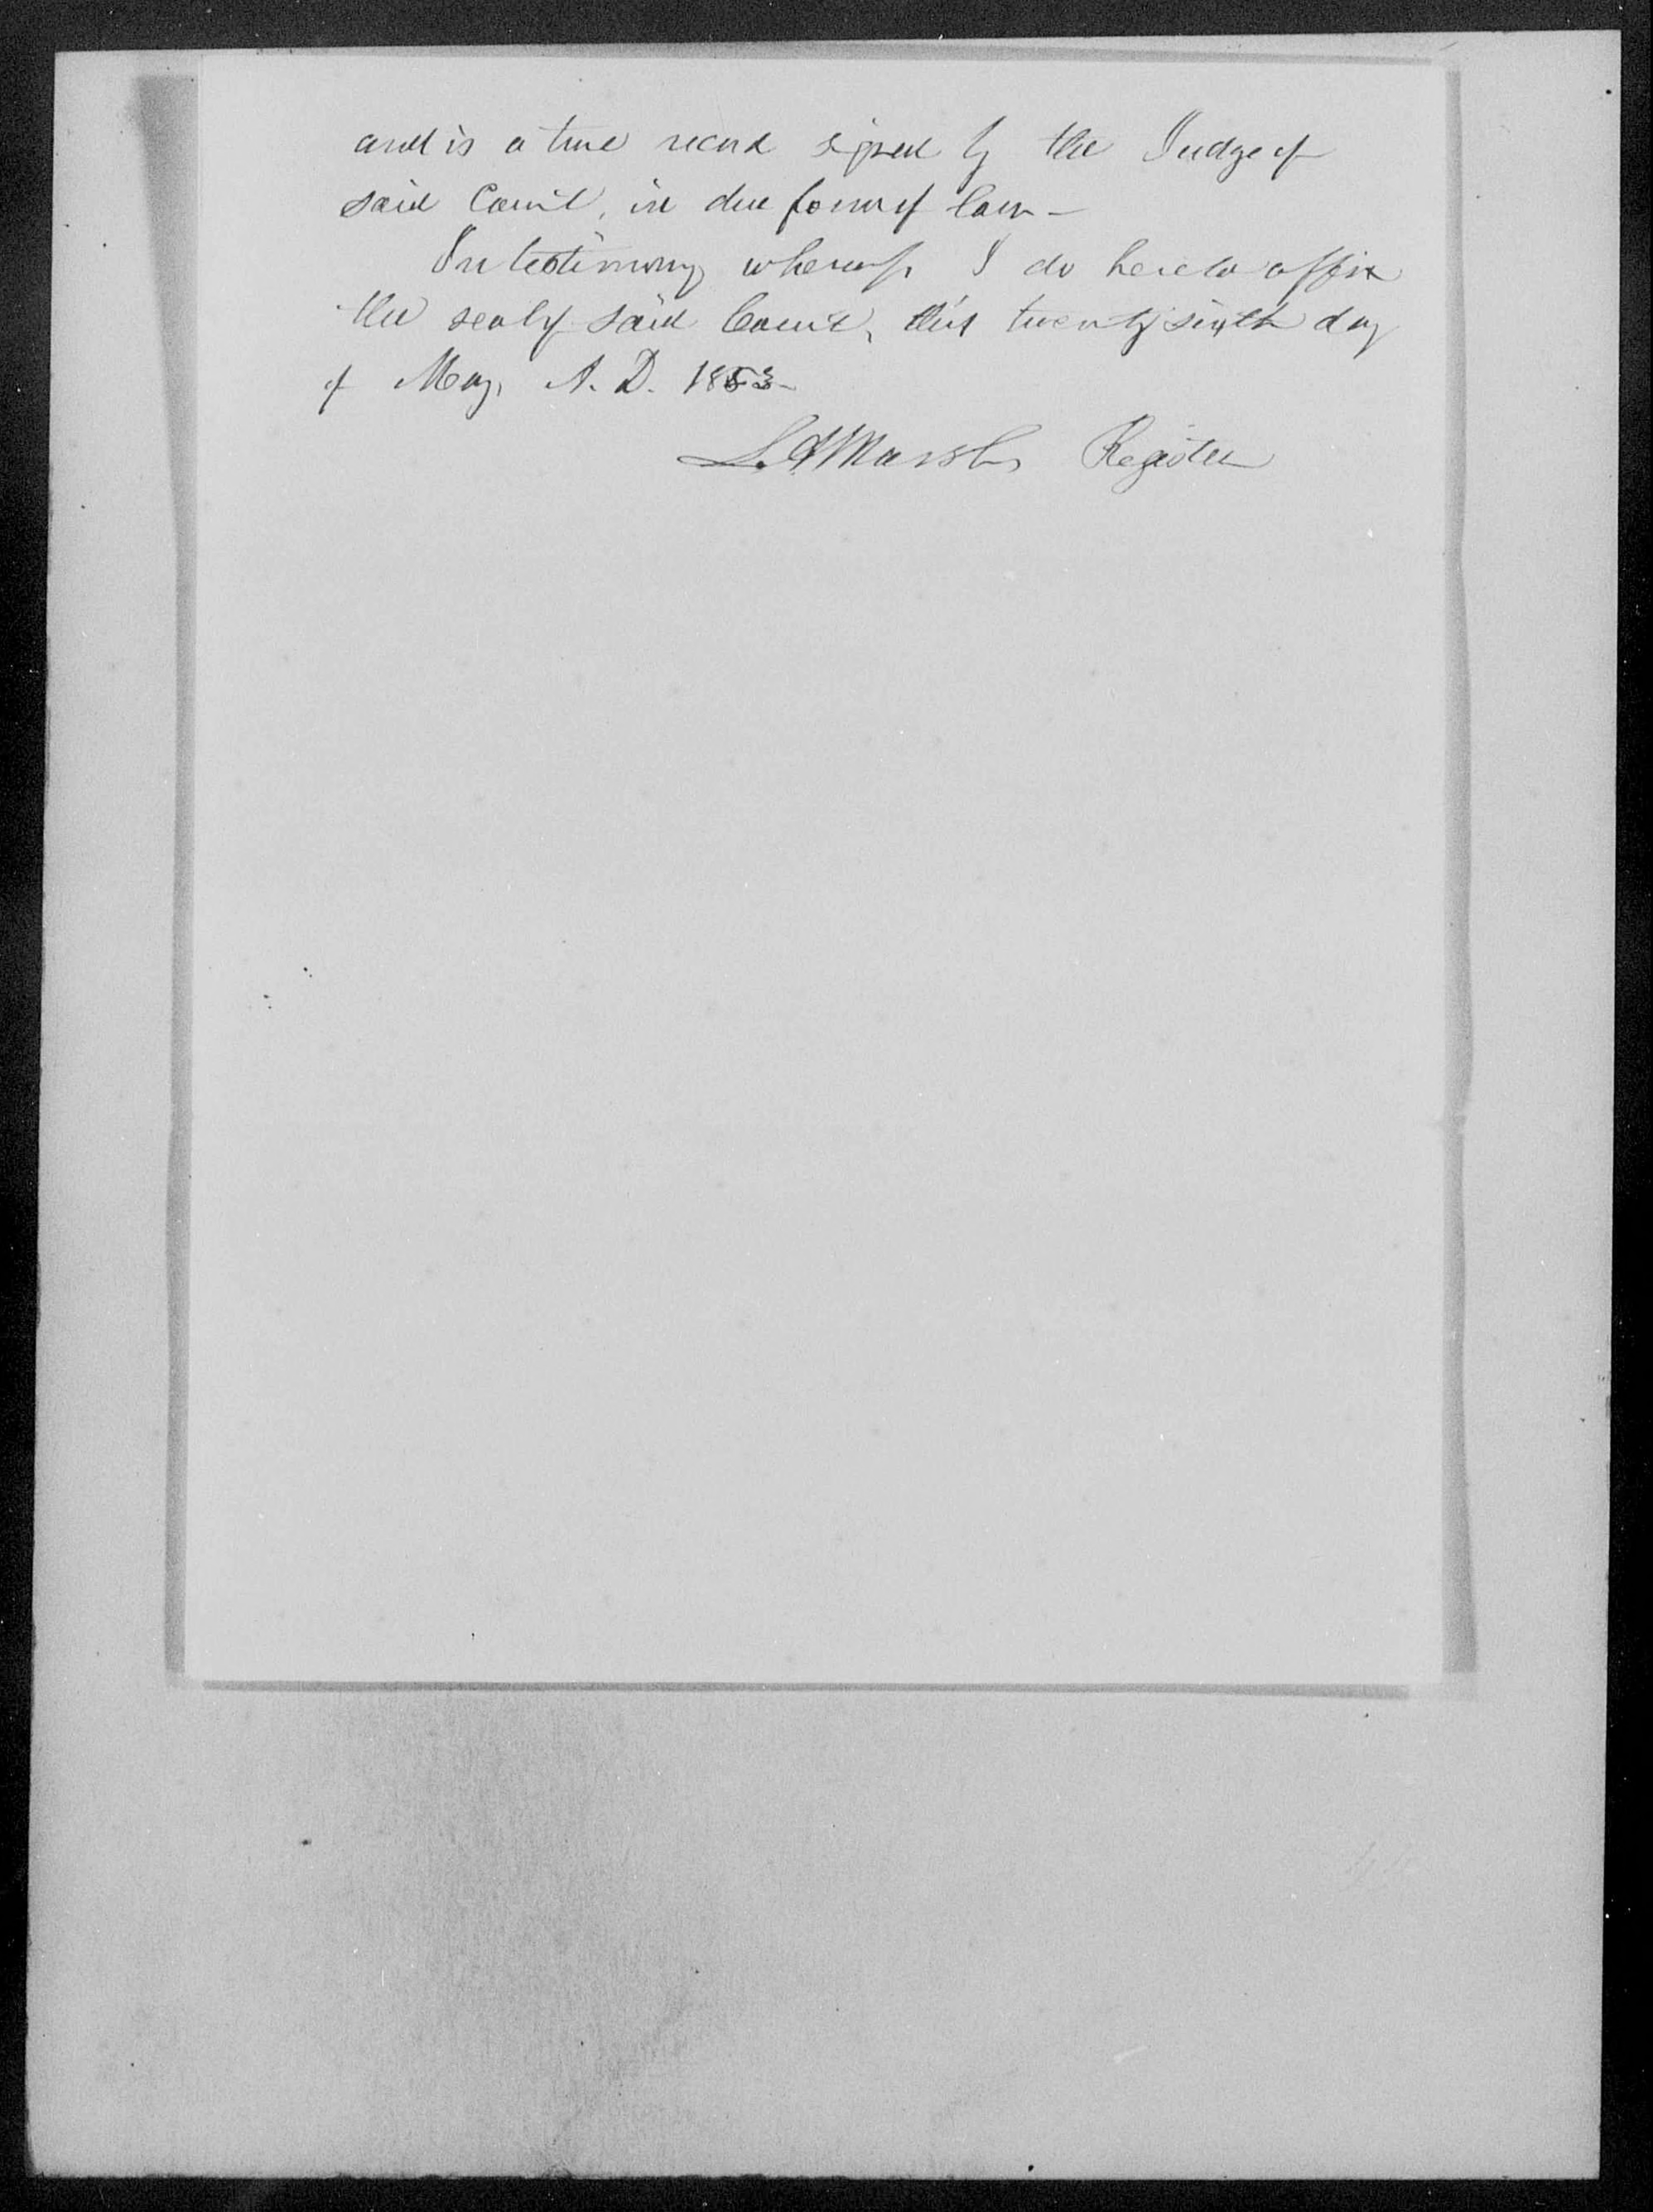and is a true record signed by the Judge of said Court, in due form of law -

In testimony whereof I do hereto affix the seal said Court, this twenty sixth day of May, A.D. 1853.

LA Marsh Register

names: L A Marsh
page: 10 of 47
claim: widow's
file: W. 225, Gilbert Hatch, Conn.